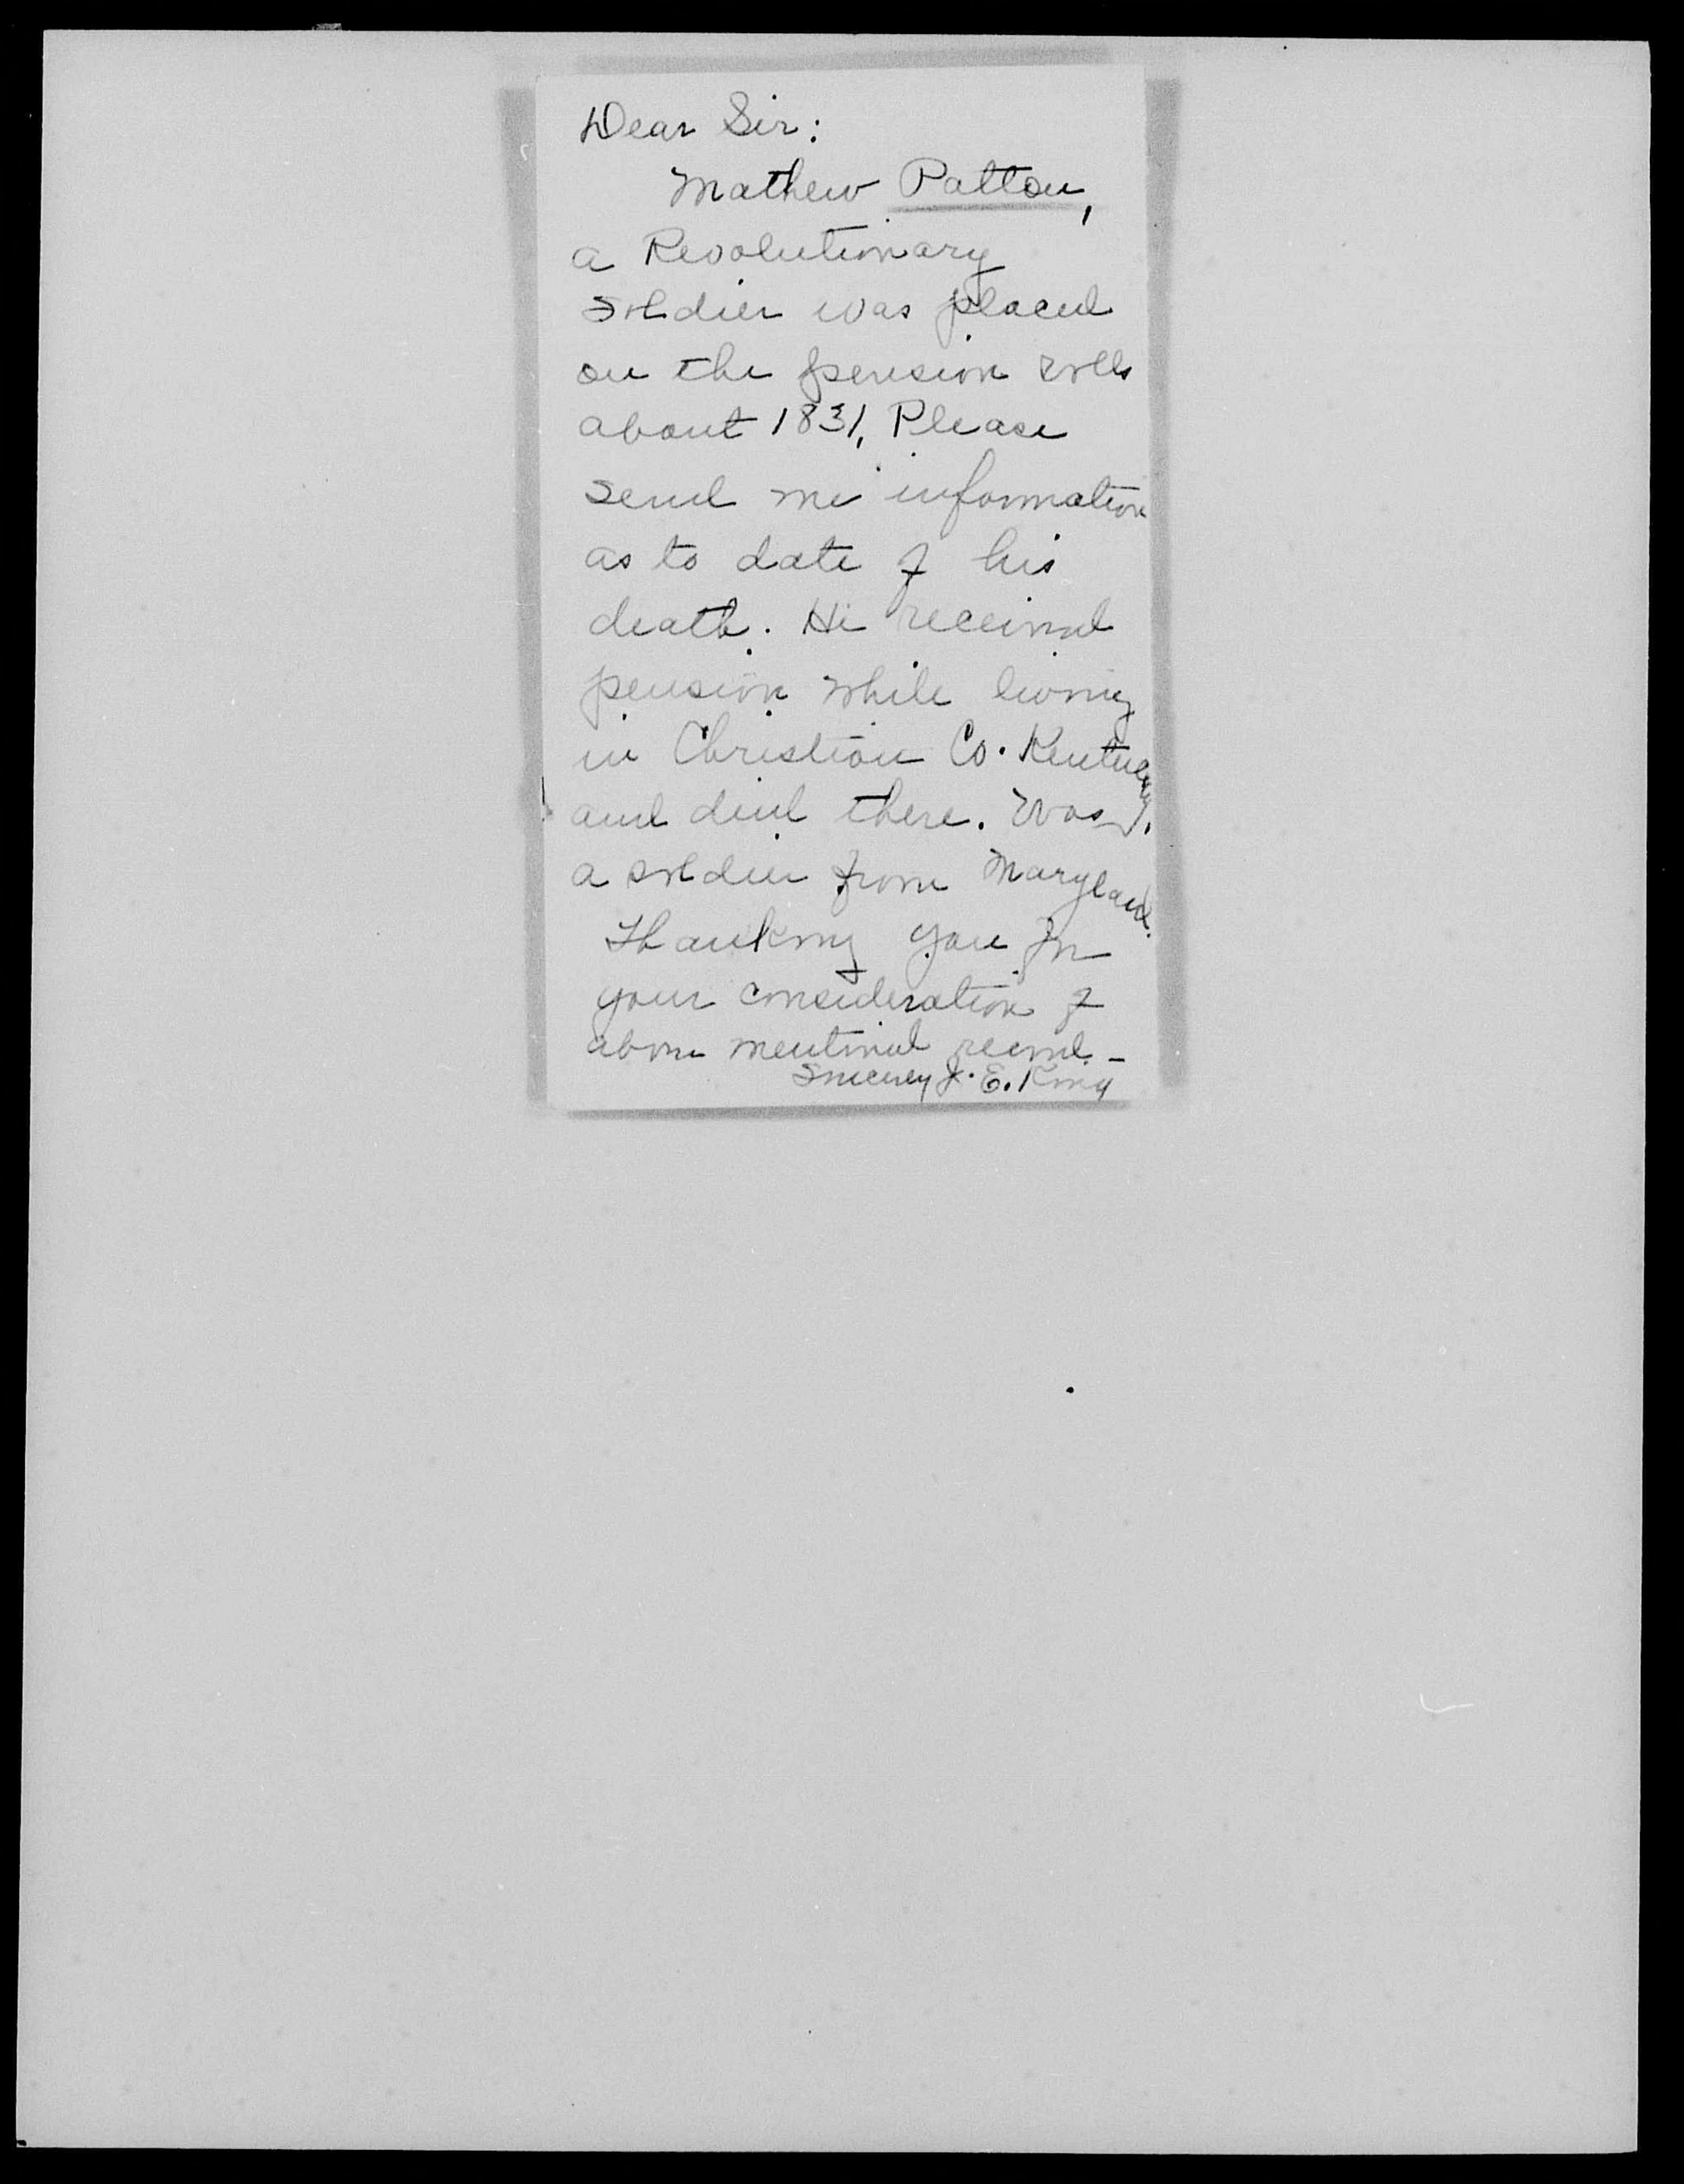Dear Sir:

Matthew Patton,
a Revolutionary
Soldier was placed
on the pension roll
about 1831. Please
send me information
as to date of his
death. He received
pension while living
in Christian Co. Kentucky
and died there. Was
a soldier from Maryland.

Thanking you for
your consideration I
from meantime remain –
Sincerely,
J. E. King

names: Mathew Patton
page: 31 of 45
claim: survivor's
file: S. 31294, for Matthew Patton, Maryland